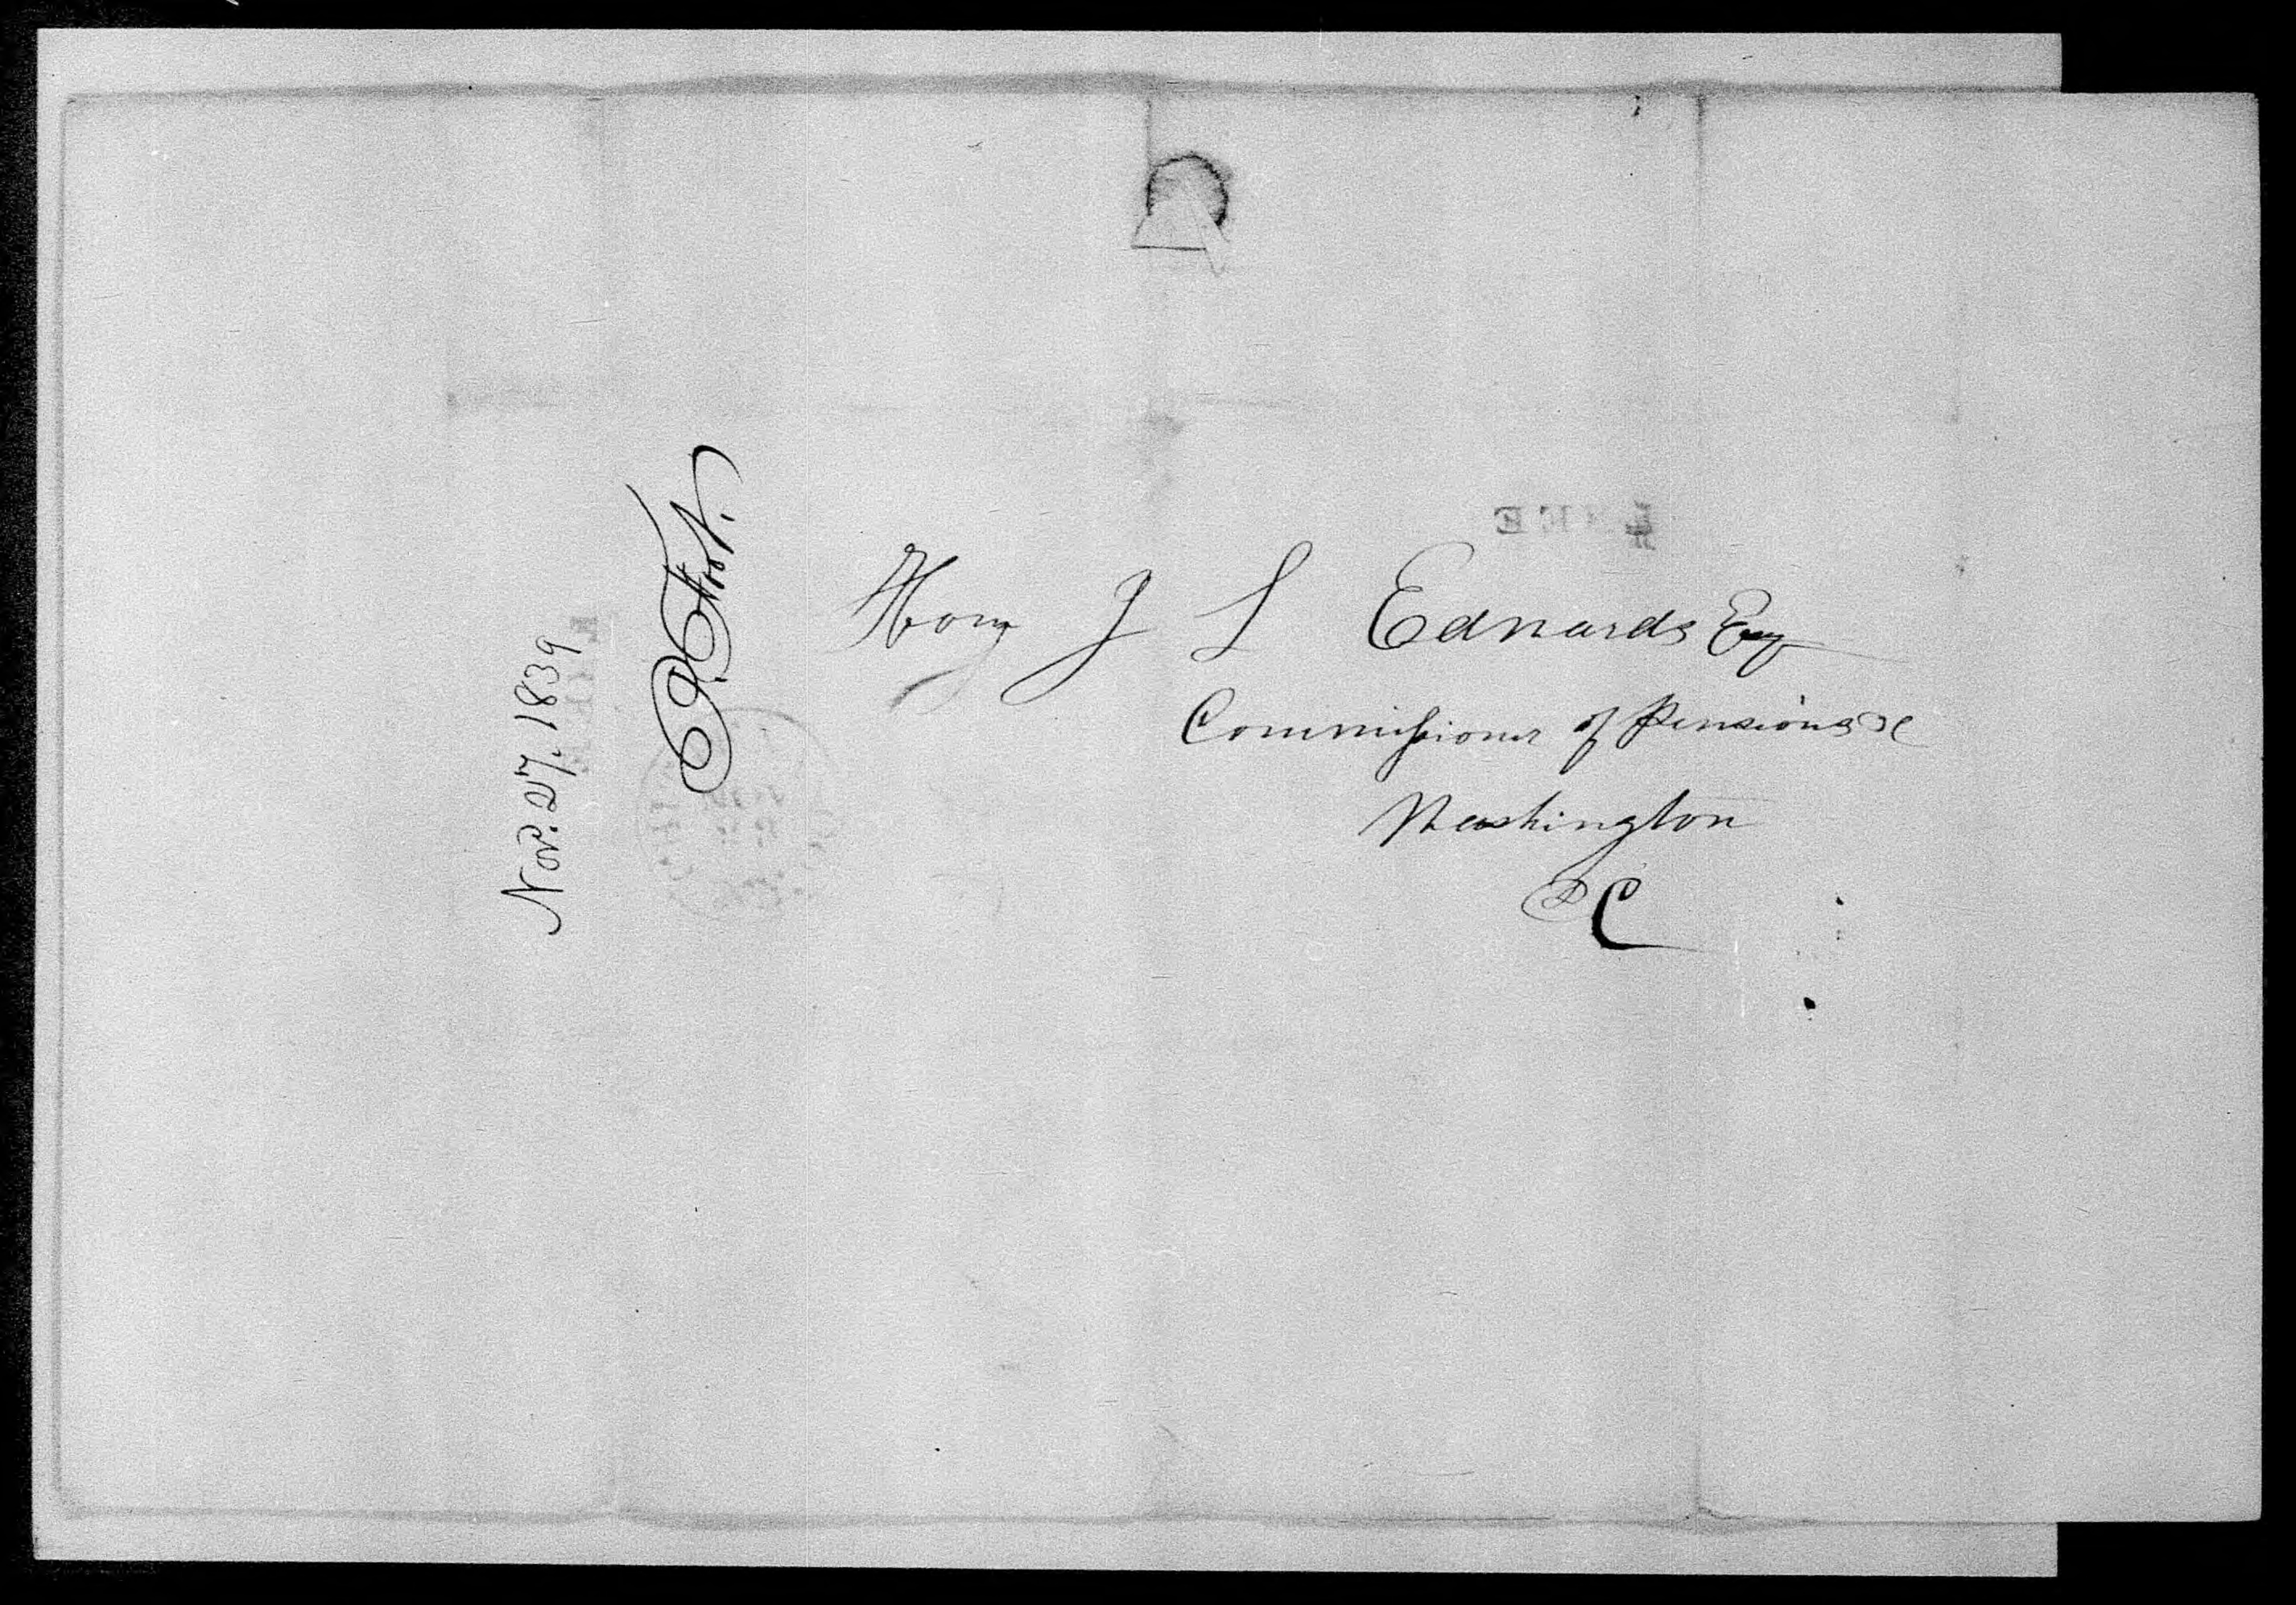Nov. 27, 1839
P. Foot.

Hon. J. L. Edwards Esq
Commissioner of Pensions Of
Washington DC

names: P Foot; J L Edwards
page: 44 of 60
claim: widow's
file: W. 14,036, for James Knowles, Connecticut